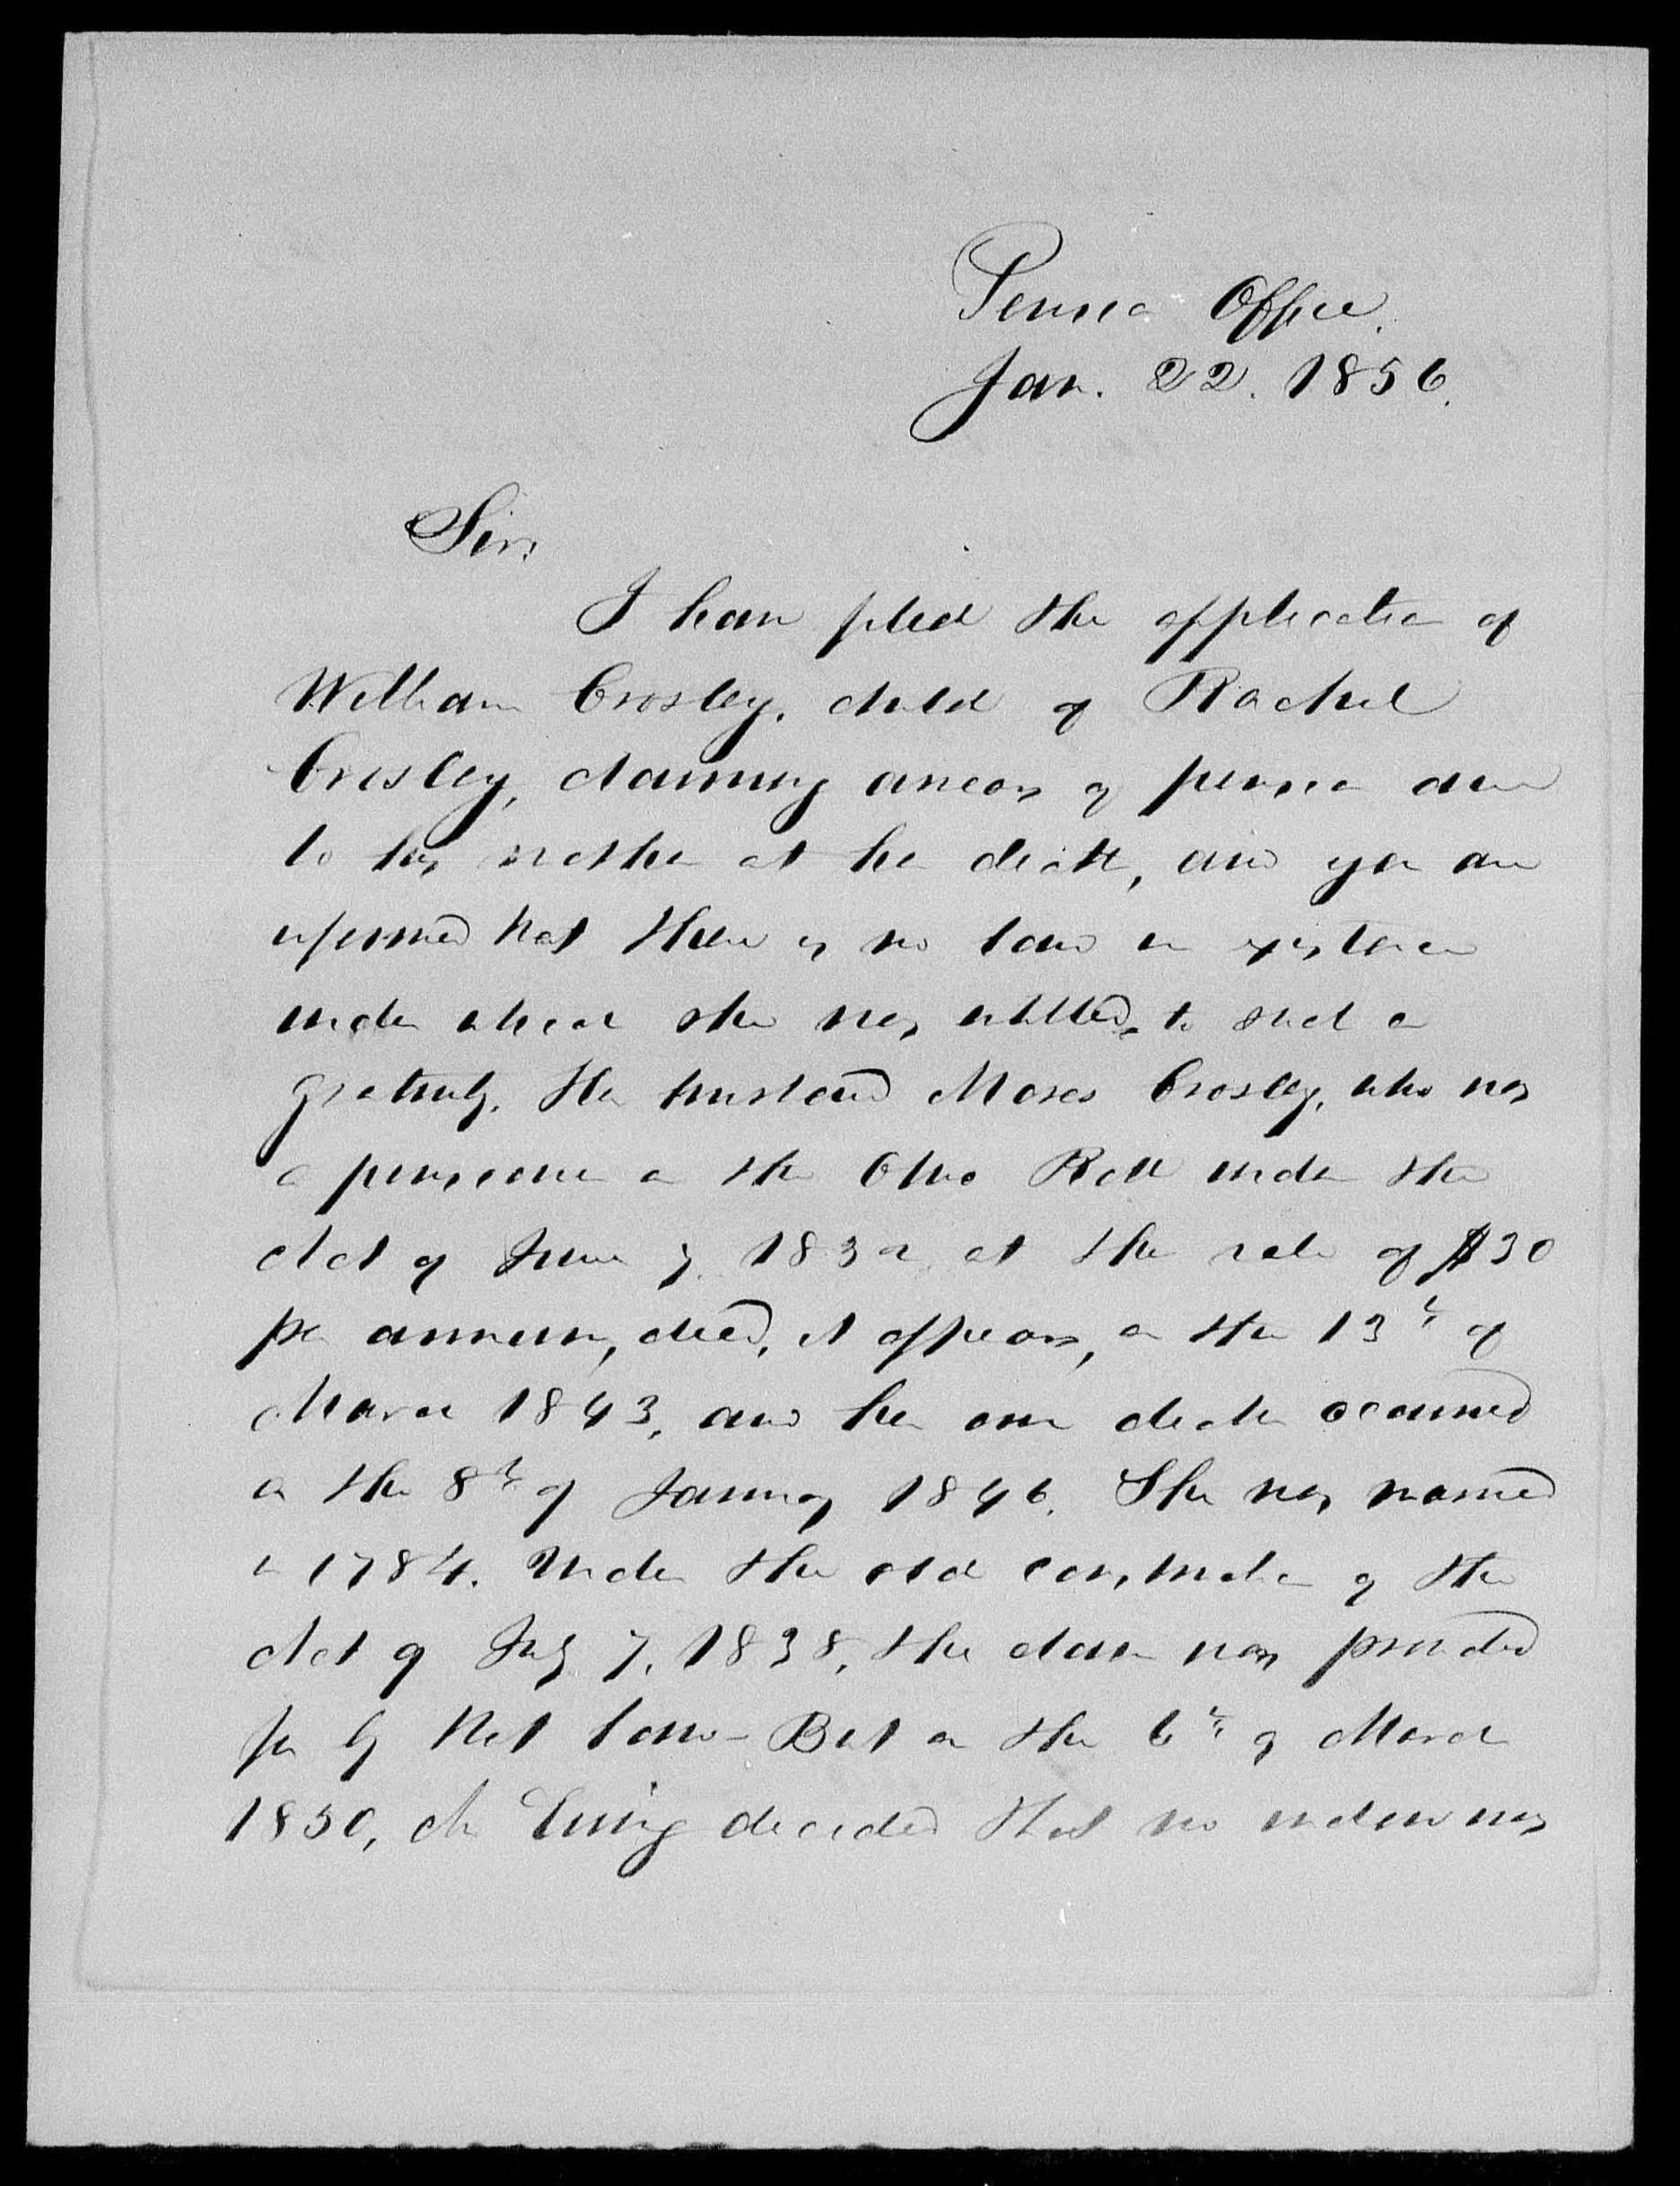Pension Office

Jan 22, 1856

Sir

I have filed the application of William Crosley child of Rachel Crosley claiming arrears of pension due to his mother at her death and you informed that there is no law in existence under which she is entitled to get a gratuity. Her husband Moses Crosley who was a pensioner on the Ohio Roll under the act of June 7, 1832, at the rate of $30 per annum died it appears on the 13th of March 1843 and her own death occurred on the 8th of January 1846. She was married in 1784. Under the old contract of the Act of June 7, 1838, she illegible - but on the 6th March
1850, being decided that no orders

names: Rachel Crosley, William Crosley, Moses Crosley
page: 33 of 37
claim: rejected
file: R. 2516, Moses Crosley, Md.